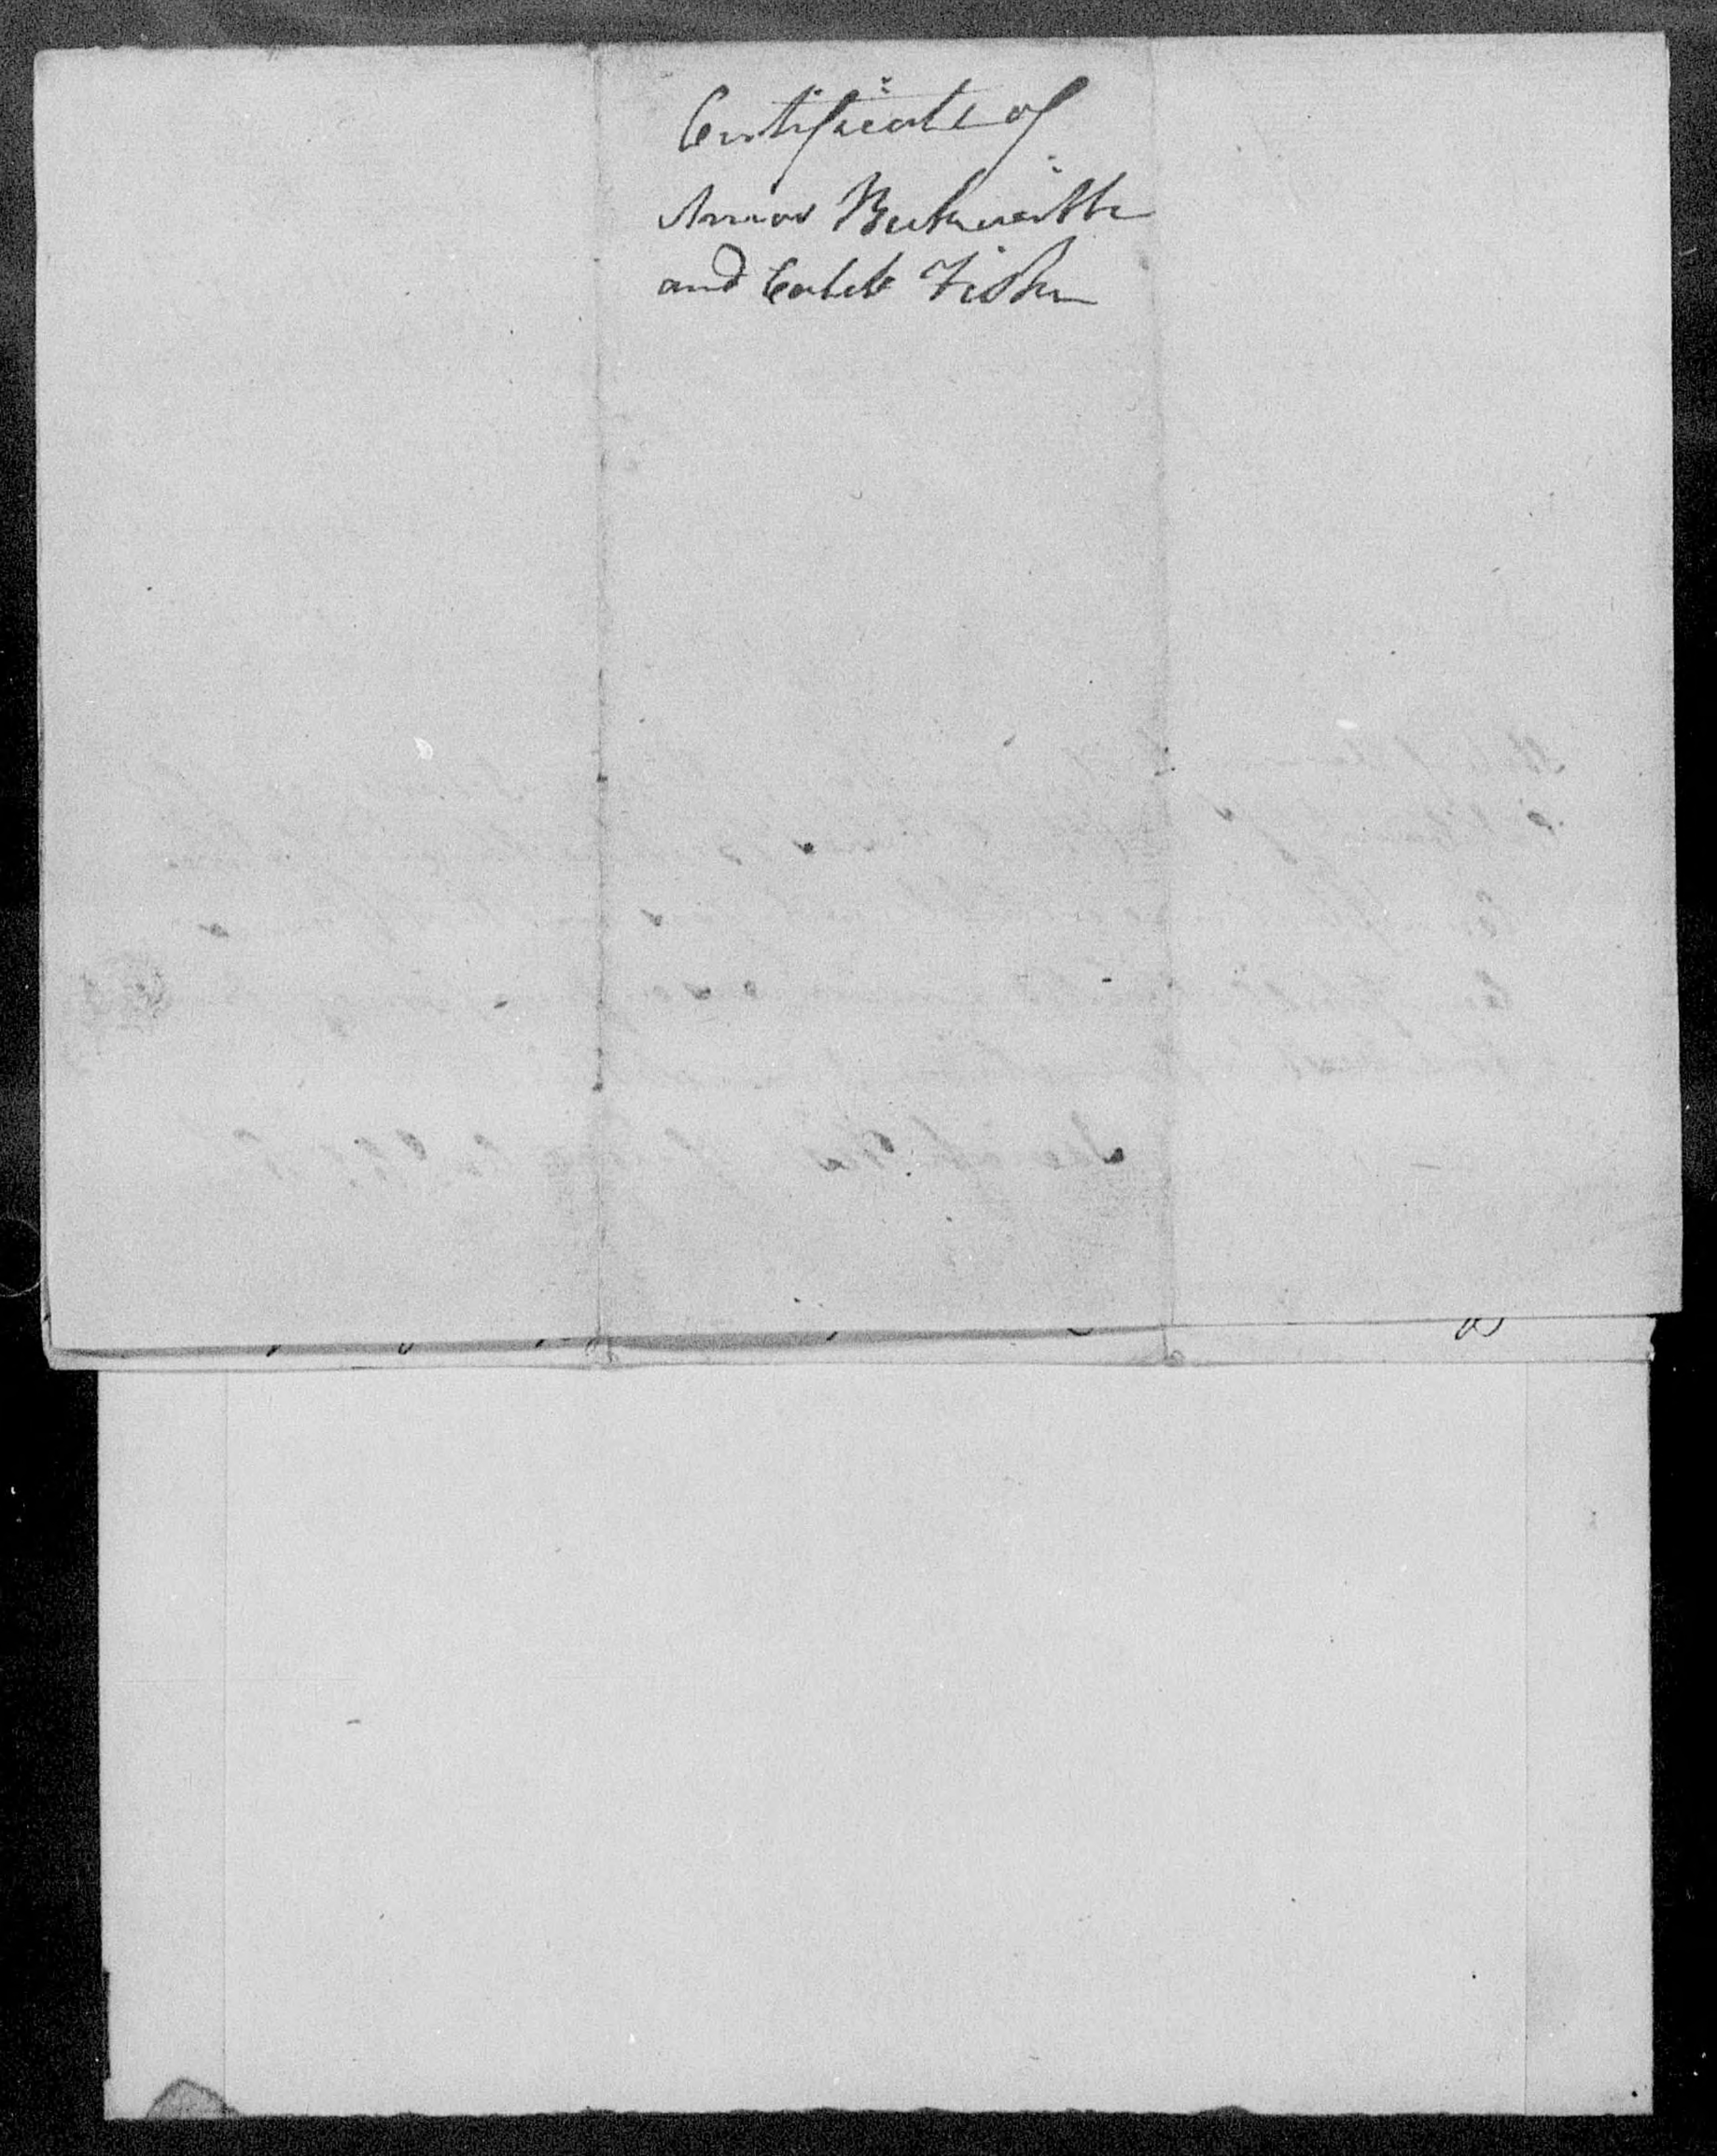Certificate of
Amos Beckwith
and Caleb Fisk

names: Caleb Fisk, Amos Beckwith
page: 54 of 67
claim: widow's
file: W. 23772, James Campbell, Continental Mass.